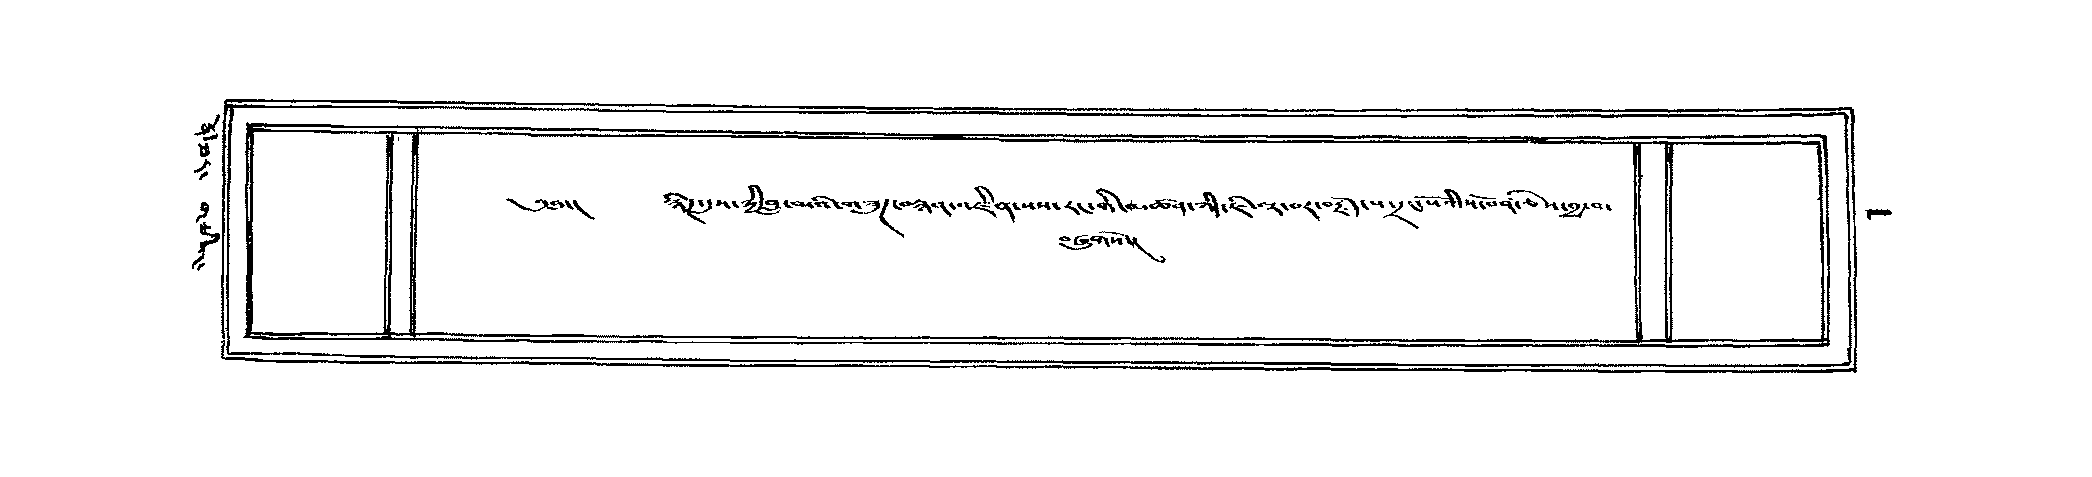སྙིགས་དུས་ཀྱི་བླ་མའི་གཟུགས་བརྙན་འཛིན་འས་རང་གི་མཚན་ཉིད་ཇི་ལྟ་བར་བརྗོད་པ་དྲང་པོའི་ས་བོན་ཅེས་བྱས་བ་
བཞུགས་སོ།